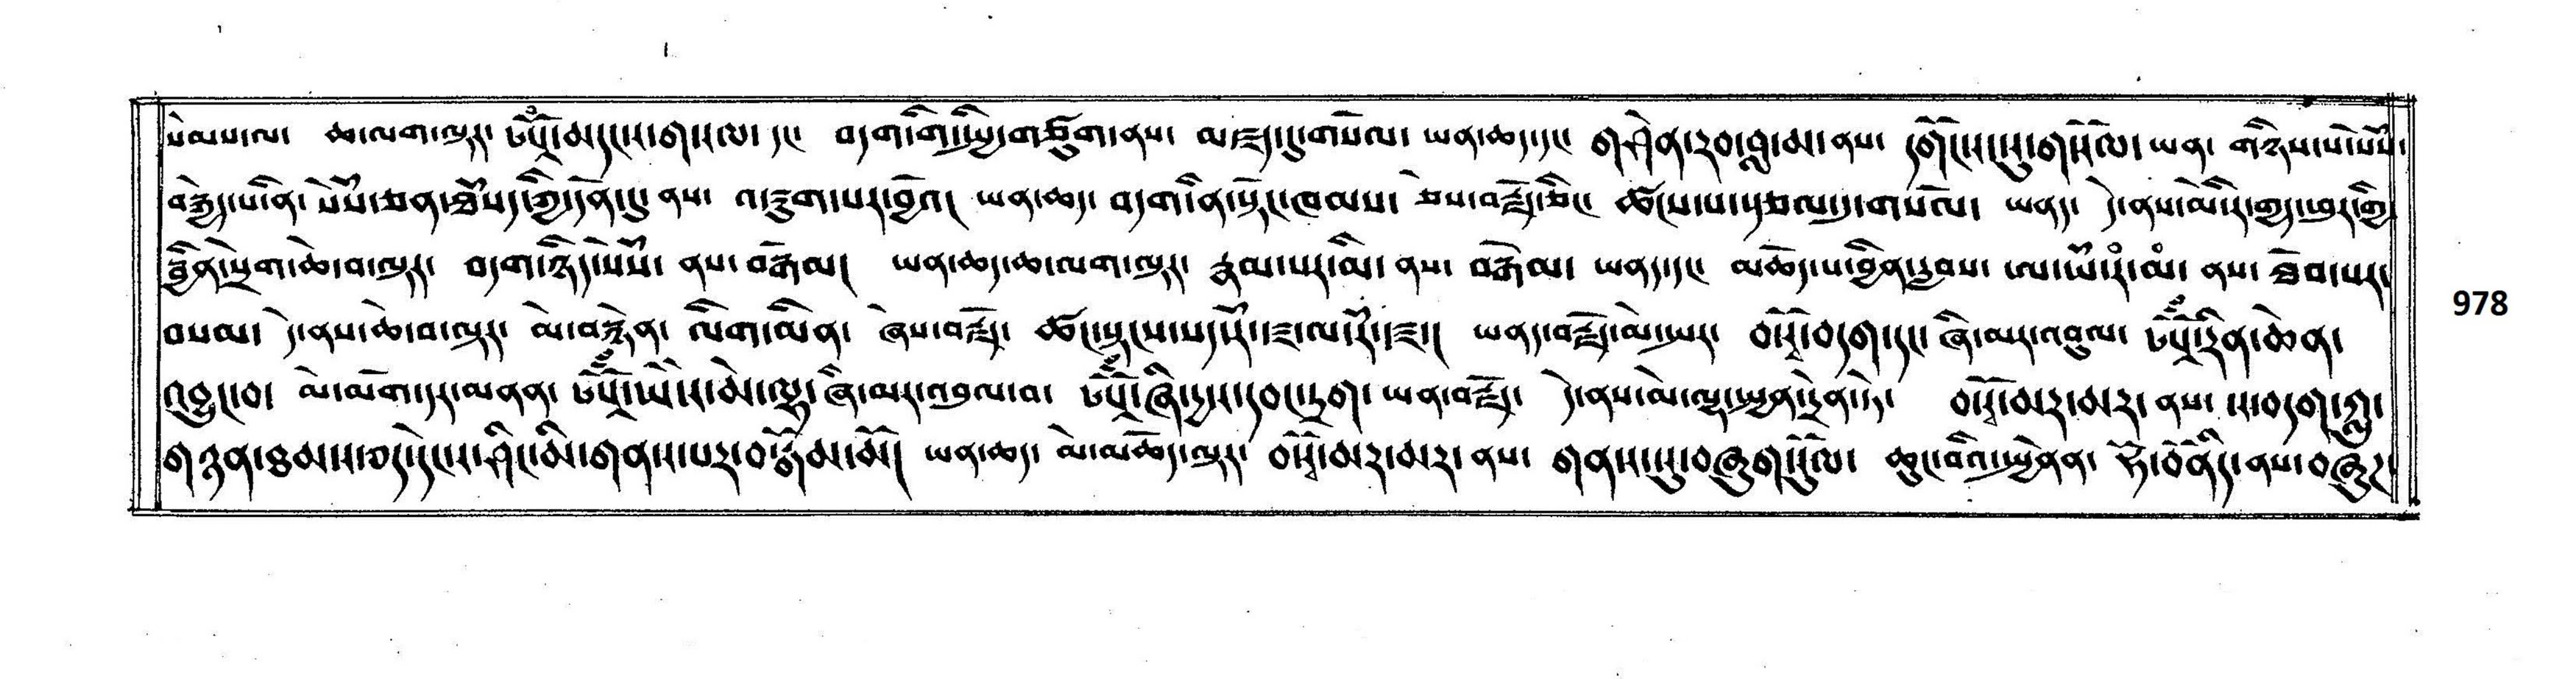སེམས་ལ། ཆ་ལག་ལྟར་ཨཱོཾ་མདངས་གསལ་དང་། བདག་གི་སྤྱི་གཙུག་ནས། མཛད་དུ་གསོལ། ཡན་ཆད་དང་། གཤེན་རབ་བླ་མ་ནས། དགོངས་སུ་གསོལ་ཡན་གཉིས་པ་སེམས་
བསྐྱེད་པ་ནི་སེམས་ཅན་ཐམས་ཅད་ཀྱི་དོན་དུ། ནས་འཇུག་པར་བྱའོ། ཡན་ཆད་བདག་ནི་སྟོང་ཁམས་ཅེས་བརྗོད་ཅིང་། ཚངས་པ་སྩལ་དུ་གསོལ་ཡན་ཆད། དེ་ནས་མེ་རི་གྱད་ཕུར་གྱི་
སྦྱིན་སྲེག་ཆེ་བ་ལྟར། བདག་ཉིད་སེམས་ནས་བསྒོམ། ཡན་ཆད་ཆ་ལག་ལྟར། རྣམ་པར་མི་ནས་བསྒོམ་ཡན་ཆད་དང་། མཆོད་པ་བྱིན་རླབས། ཨ་ཡཾ་རཾ་མཾ་ནས་ཐོབ་པར་
བསམ། དེ་ནས་ཆེ་བ་ལྟར། མེ་བསྙེན། ལིག་མིན། ཞེས་བརྗོད་ ཚང་སྟངས་སད་རཾ་ཛ་ལ་རཾ་ཛ། ཡན་ཆད་བརྗོད་མེ་སྤར། བསྭོ་བདག་དང་ཞི་མར་འབུལ། ཨཱོཾ་རིན་ཆེན་
འབྱུང་བ། མེ་མགོ་དར་མནན་ཨཱོཾ་ཡེ་ཤེས་མེ་ལྷ་ཞི་མར་འབུལ་བ་ཨཱོཾ་ཞི་རྒྱས་དབང་དྲག་ཡན་བརྗོད། དེ་ནས་མེ་ལྷ་སྤྱན་དྲེན་ཏེ། བསྭོ་མར་མར་ནས་ས་བདག་ཀླུ་
གཉན་ཐམས་ཅད་དེངས་ཤིང་མི་གནས་པར་བསྒོམ་མོ། ཡན་ཆད། མེ་མཆོད་ལྟར། བསྭོ་མར་མར་ནས། གནས་སུ་བཞུགས་སུ་གསོལ། ཆུང་བའི་སྤྱ་འདྲེན་ན། ཧོ་བོན་ཉིད་ནས་བཞུགས་